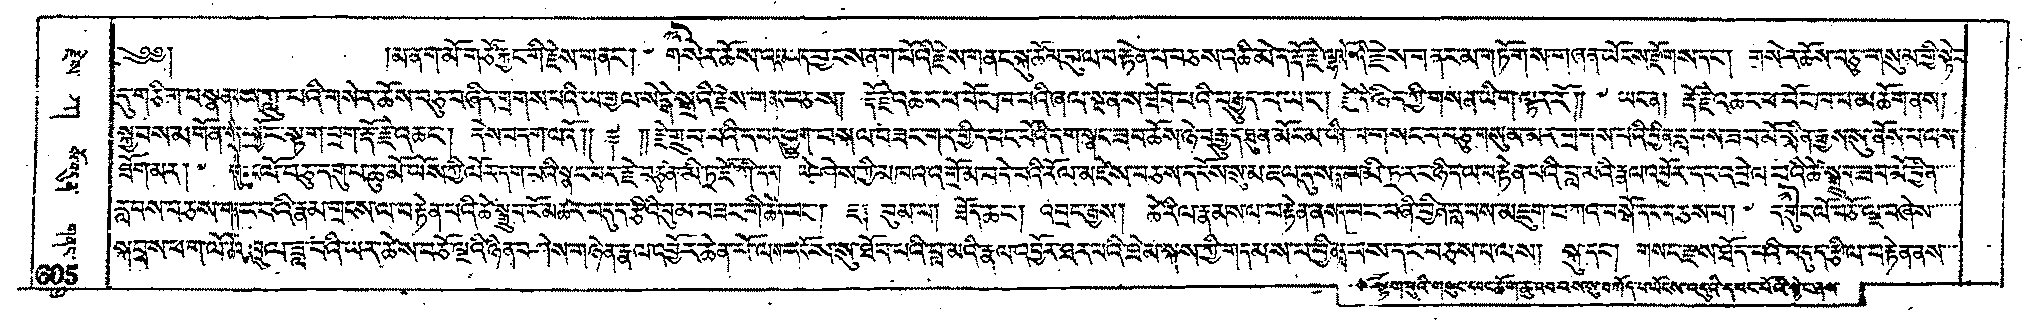༄༅། །མ་ནག་མོ་གཙོ་རྐྱང་གི་རྗེས་གནང་། ༧་གསེར་ཆོས་འཇམ་དབྱངས་ནག་པོའི་རྗེས་གནང་སྐུ་ཚོམ་བུ་ལ་བརྟེན་པ་བཅས་འཆི་མེད་རྡོ་རྗེ་ལྷ་མོའི་རྗེས་གནང་མ་གཏོགས་གཞན་ཡོངས་རྫོགས་དང་། གསེར་ཆོས་བཅུ་གསུམ་གྱི་སྟེང་
དུ་གཅིག་བསྣན་པས་ཀླུ་པའི་གསེར་ཆོས་བཅུ་བཞིར་གྲགས་པའི་ཡ་གྱལ་སེངྒི་སྒྲའི་རྗེས་གནང་བཅས། རྡོ་རྗེ་འཆང་ཕ་བོང་ཁ་པའི་ཞལ་སྔ་ནས་ཐོབ་པའི་བརྒྱུད་པ་ཡང་། རྗེ་དེ་ཉིད་ཀྱི་གསན་ཡིག་ལྟར་རོ།། ༧་ཡང་ན། རྡོ་རྗེ་འཆང་ཕ་བོང་ཁ་པ་མཆོག་ནས།
སྐྱབས་མགོན་སྲིད་སྐྱོང་སྟག་བྲག་རྡོ་རྗེ་འཆང་། དེས་བདག་ལའོ།། ༈ །།རྗེ་གྲུབ་པའི་དབང་ཕྱུག་བསྐལ་བཟང་གར་གྱི་དབང་པོའི་དག་སྣང་ཟབ་ཆོས་ཉེ་བརྒྱུད་ཐུན་མོང་མ་ཡིན་པ་གསང་བ་བཅུ་གསུམ་མར་གྲགས་པའི་བྱིན་རླབས་ཟབ་མོ་སྨིན་རྒྱས་སུ་ནོས་པ་ལས་
ཐོག་མར། ༧་དགུང་ལོ་བཅུ་དགུ་པ་ཆུ་མོ་ཡོས་ཀྱི་ལོར་དག་པའི་སྣང་བར་རྗེ་བཙུན་མི་ཏྲ་ཛོ་ཀི་དང་། ཡེ་ཤེས་ཀྱི་མཁའ་འགྲོ་མ་བདེ་བའི་རོལ་མཛེས་བཅས་དངོས་སུ་མཇལ་དུས་བླ་མ་མི་ཏྲ་རང་ཉིད་ལ་བརྟེན་པའི་བླ་མའི་རྣལ་འབྱོར་དང་འབྲེལ་བའི་ཚེ་སྒྲུབ་ཟབ་མོ་བྱིན་
རླབས་བཅས་གནང་བའི་རྣམ་གྲངས་ལ་བརྟེན་པའི་ཚེ་སྒྲུབ་ངོ་མཚར་བདུད་རྩིའི་བུམ་བཟང་གི་ཚེ་དབང་། ཇ༑ བུམ་པ། ཐོད་ཆང་། འབྲང་རྒྱས། ཚེ་རིལ་རྣམས་ལ་བརྟེན་ནས་དབང་བཞི་བྱིན་རླབས་མཇུག་བཀའ་བསྒོ་དང་བཅས་པ། ༧་དགུང་ལོ་བཅོ་ལྔ་བཞེས་
སྐབས་ཕག་ལོ་ཆོ་འཕྲུལ་ཟླ་བའི་ཡར་ཚེས་བཅོ་ལྔའི་ཉིན་བཤེས་གཉེན་རྣལ་འབྱོར་ཆེན་པོ་ལས་དངོས་སུ་ཐོབ་པའི་བླ་མའི་རྣལ་འབྱོར་ཐར་པའི་ཐེམ་སྐས་ཀྱི་གདམས་པ་བྱིན་རླབས་དང་བཅས་པ་ལས། སྐུ་དང་། གསང་རྫས་ཐོད་པའི་བདུད་རྩི་ལ་བརྟེན་ནས་?་སྟག་ཕུའི་གསུང་དབང་ཆོག་ཆུ་འབབས་སུ་བཀོད་པ་ཡོངས་འདུའི་དབང་པོའི་སྟེང་ནས